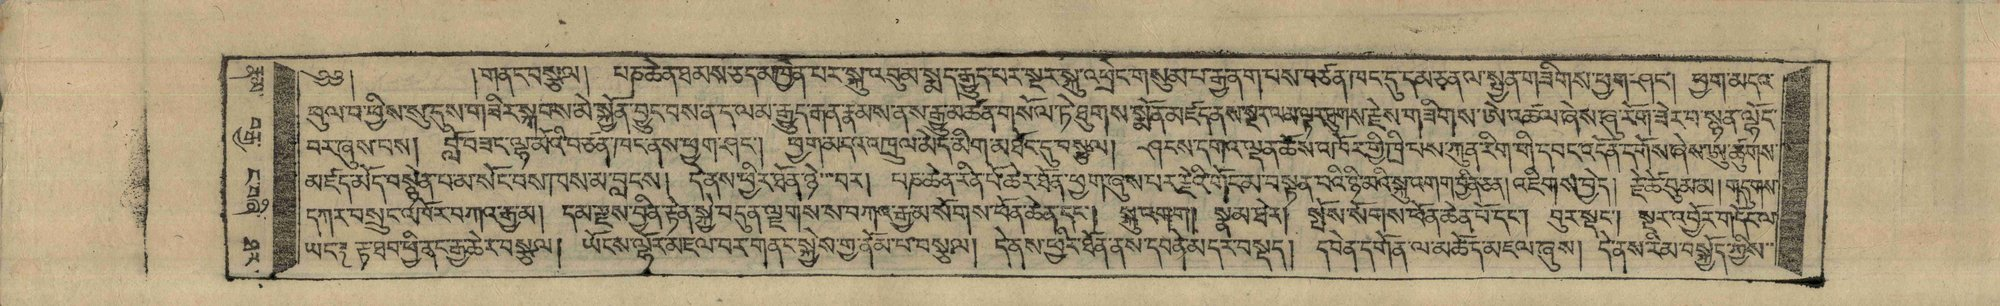༄༅། །གནང་བསྩལ། པཎ་ཆེན་ཐམས་ཅད་མཁྱེན་པར་སྐུ་འབུམ་སྨད་རྒྱུད་པར་སྔར་སྐུ་འཕྲེང་གསུམ་པ་རྒྱ་ནག་པས་བཙན་ཁང་དུ་དམ་ཅན་ལ་སྤྱན་གཟིགས་ཕྱག་ཤང་། ཕྱག་མདའ་
ཕུལ་བ་ཕྱིས་སུ་དུས་གཟིར་སྐབས་མེ་སྐྱོན་བྱུང་བས་ན་ད་ལམ་རྒྱུད་རྒན་རྣམས་ནས་རྒྱུ་མཚོན་གསོལ་ཏེ་ཐུགས་སྨོན་མཛད་ནས་སྔར་ལམ་ལྟར་ཐུགས་རྗེས་གཟིགས་ཨེ་འཚལ་ཞེས་ཞུ་རོག་ཟེར་བ་སྙན་ལྷོང་
བར་ཞུས་པས། བློ་བཟང་ལྷ་མོའི་བཙན་ཁང་ནས་ཕྱག་ཤང་། ཕྱག་མདའ་འཁྲུལ་མེད་མིག་མཐོང་དུ་བསྩལ། ཤངས་དགའ་ལྡན་ཆོས་འཁོར་གྱི་ཁྲི་པས་ཀུན་རིག་གི་དབང་འདོན་དགོས་ཞེས་ཨུ་ཚུགས་
མཛད་མོད་བསྙེན་པ་མ་སོང་བས་ཁས་མ་བླངས། དེ་ནས་ཕྱིར་ཐོན་ཉེ་བར། པཎ་ཆེན་རིན་པོ་ཆེར་ཐོན་ཕྱག་ཞུས་པར་རྗེའི་གོང་མ་བསྟན་པའི་ཉི་མའི་སྐུ་འགག་བྱིན་ཅན། འཇིགས་བྱེད། རྗེ་ཚེ་བུམ་མ། གདུགས་
དཀར་བསྲུང་འཁོར་བཀའ་རྒྱ་མ། དམ་རྫས་བྱིན་རྟེན་སྐྱེ་བདུན་ལྗགས་ས་བཀའ་རྒྱ་མ་སོགས་ཕོན་ཆེན་དང་། སྐུ་འགག། སྣམ་ཐེར། སྤོས་སོགས་ཕོན་ཆེན་པོ་དང་། བུར་སྡང་། སྔར་འབྱོར་གདོང་ལ་
ཡང༑ རྟ་ཐབ་ཕྱི་ནང་རྒྱ་ཆེར་བསྩལ། ཡོངས་ལྷོར་མཇལ་བར་གནང་སྐྱེས་གྱ་ནོམ་པ་བསྩལ། དེ་ནས་ཕྱིར་ཐོན་ནས་དབེན་མདར་བསྡད། དབེན་དགོན་ལ་མཆོད་མཇལ་ཞུས། དེ་ནས་རིམ་བསྐྱོད་ཀྱིས་